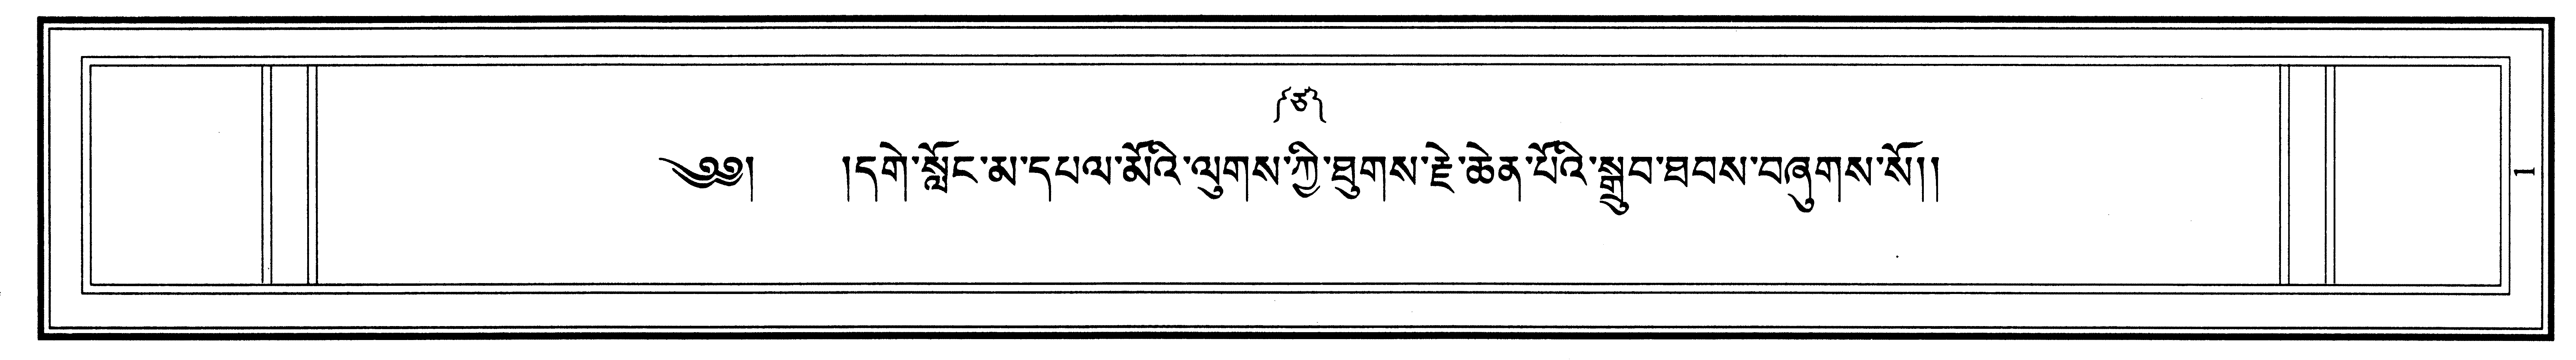༄༅། །དགེ་སློང་མ་དཔལ་མོའི་ལུགས་ཀྱི་ཐུགས་རྗེ་ཆེན་པོའི་སྒྲུབ་ཐབས་བཞུགས་སོ།།